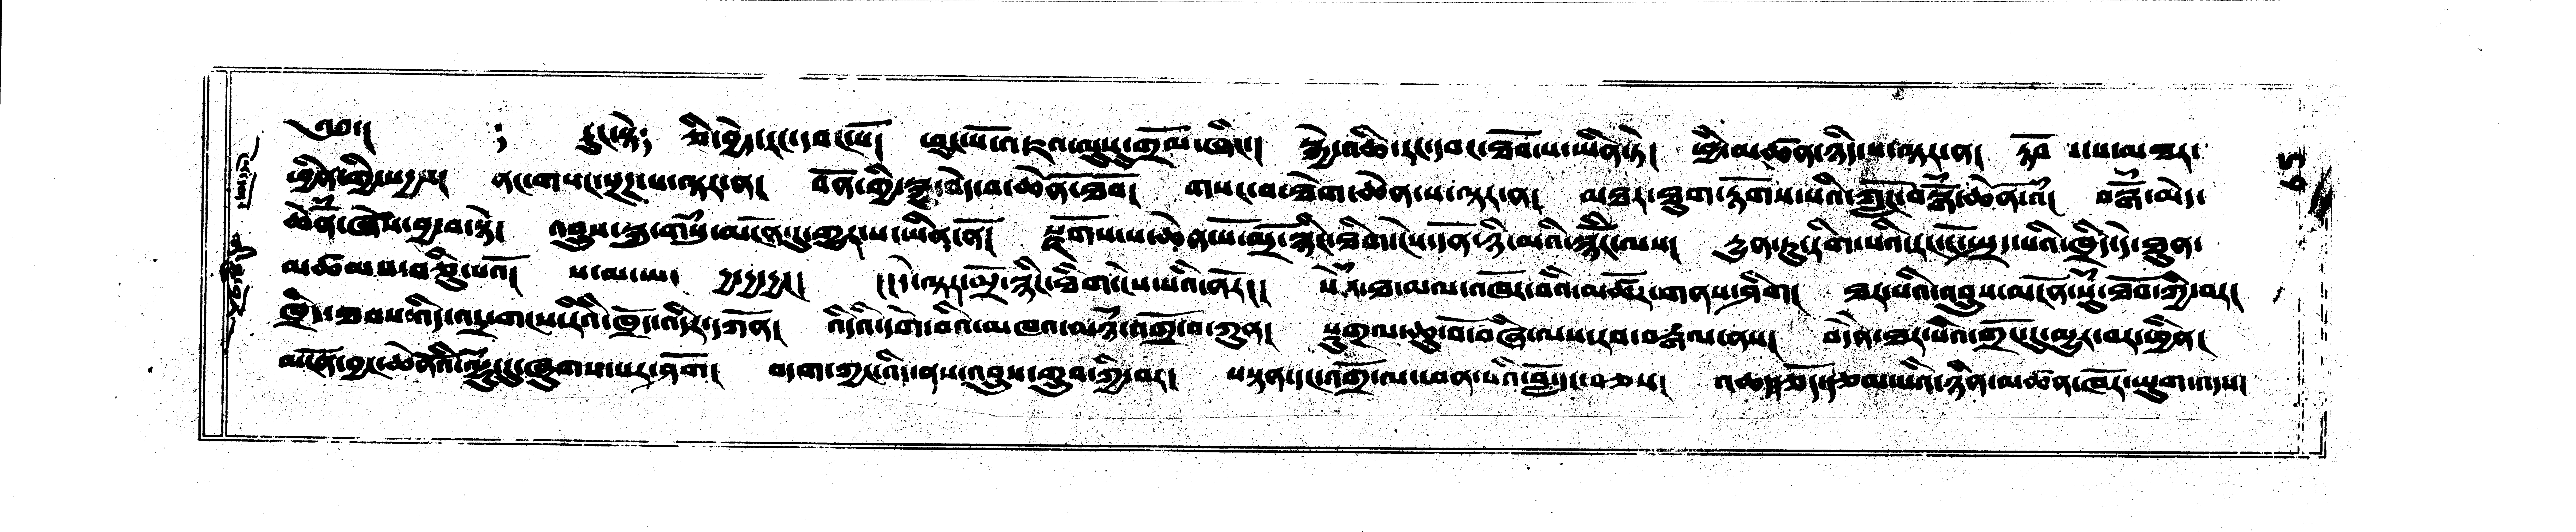རུང་སྟེ། ཅི་བྱེད་རང་དབང་ཐོབ། ཕུང་པོ་འཇའ་ལུས་སུ་གྲོལ་ཞིང་། སྐྱེ་འཆི་རང་དབང་ཐོབ་པ་ཡིན་ཏེ། ཕྱི་མཚན་ཉིད་པ་ལྟར་ན། རྟོགས་པ་མཐར་
ཕྱིན་གྱི་སངས་རྒྱས། ནང་གསང་སྔགས་པ་ལྟར་ན། བོན་གྱི་སྐུ་བདེ་བ་ཆེན་པོ་ཐོབ། གསང་བ་ཐེག་ཆེན་པ་ལྟར་ན། མཐར་ཐུག་རྟོགས་པའི་ཀློང་སྒོམ་ཆེན་པོའམ། སྒོམ་མེད་
ཆེན་པོ་ཞེས་བྱ་བ་སྟེ། འབྲས་བུ་སྐུ་གསུམ་མངོན་དུ་གྱུར་པ་ཡིན་ནོ། །རྫོགས་པ་ཆེན་པོ་མཁའ་འགྲོ་སྙིང་ཐིག་ངེས་དོན་ཉི་མའི་སྙིང་པོ་ལས། རྒྱུན་དུ་རིག་པའི་རང་ངོ་སྤྲད་པའི་ཁྲིད་དེ་ཐུན་
མཚམས་བཅུ་བཞི་པའོ།། །།ས་མ་ཡ། རྒྱ་རྒྱ་རྒྱ། དེ་ལྟར་མཁའ་འགྲོ་སྙིང་ཐིག་ངེས་པའི་ནོར། །སེམས་ཅན་ཐ་མལ་འཁོར་བའི་མཚོར་གནས་ཤིག །ཐར་པའི་འབྲས་བུ་མངོན་སུམ་ཐོབ་ཀྱི་བར། །
ཁྲིད་ཐབས་འདི་འདྲ་གངས་རིའི་ཁྲོད་འདིར་དཀོན། །འདི་ཡི་དགེ་བས་མཁའ་མཉམ་འགྲོ་བ་ཀུན། །སྡུག་བསྔལ་ཆུ་བོ་བཞི་ལས་རབ་བརྒལ་ནས། །བདེ་ཆེན་ཐར་པའི་གྲོང་དུ་མྱུར་བར་ཕྱིན། །
མངོན་བྱང་ཆེན་པོའི་སྐུ་རུ་ཞུགས་པར་ཤོག །བདག་ཀྱང་འདི་ནས་འབྲས་བུ་གྲུབ་ཀྱི་བར། །བསྟན་དང་འགྲོ་ལ་ཕན་པའི་བློ་དང་བཅས། །འཆད་རྩོད་རྩོམ་པའི་ཉིན་མཚན་ཁོར་ཡུག་འདས། །